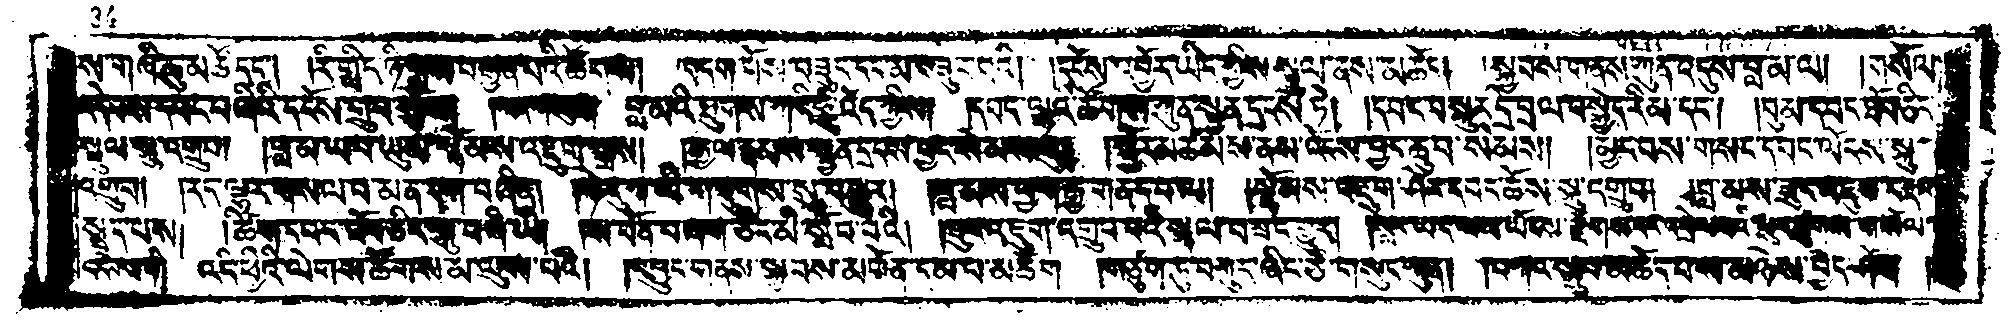ས་གཞི་ཆུ་མཚོ་དང་། །རི་གླིང་ཉི་ཟླས་བརྒྱན་པའི་ཚོགས། །བདག་པོས་བཟུང་དང་མ་བཟུང་བའི། །དངོས་འབྱོར་ཡིད་ཀྱིས་སྤྲུལ་ནས་མཆོད། །སྐྱབས་གནས་ཀུན་འདུས་བླ་མ་ལ། །གསོལ་
འདེབས་དབང་བཞིའི་དངོས་གྲུབ་སྩོལ། །ལན་གསུམ། བླ་མའི་ཐུགས་ཀའི་ཧཱུཾ་འོད་ཀྱིས། །དབང་ལྷའི་ཚོགས་ཀུན་སྤྱན་དྲངས་ཏེ། །དབང་བསྐུར་དྲི་བྲལ་བསྐྱེད་རིམ་དང་། །བུམ་དབང་ཐོབ་ཅིང་
སྤྲུལ་སྐུ་འགྲུབ། །བླ་མ་ཡབ་ཡུམ་སྙོམས་འཇུག་སྒྲས། །རྒྱལ་རྣམས་སྤྱན་དྲངས་བྱང་སེམས་ཞུ། །སྦྱོར་མཚམས་ནས་འོངས་བྱང་ཆུབ་སེམས། །མྱང་བས་གསང་དབང་ལོངས་སྐུ་
འགྲུབ། །རང་ལྷར་གསལ་བ་མན་དག་བཞིན། །ཧེ་རུ་ཀ་ཡི་གཟུགས་སུ་བསྒྱུར། །བླ་མས་ཕྱག་རྒྱ་གནང་བ་ལ། །སྙོམས་འཇུག་ཤེར་དབང་ཆོས་སྐུ་འགྲུབ། །བླ་མས་ཟུང་འཇུག་བརྡའ་
སྤྲད་པས། །ཚིག་དབང་ཐོབ་ཅིང་སྐུ་བཞི་ཡི། །ས་བོན་བཞག་ཅིང་མི་སློབ་པའི། །ཟུང་འཇུག་འགྲུབ་པའི་སྐལ་བཟང་གྱུར། །སླར་ཡང་ལམ་ཡོངས་རྫོགས་དང་འབྲེལ་བའི་ཕུར་ཚུགས་གསོལ་
འདེབས་ནི། འདི་ཕྱིའི་ལེགས་ཚོགས་མ་ལུས་པའི། །འབྱུང་གནས་སྐྱབས་མགོན་དམ་པ་མཆོག །གཙུག་ཏུ་བཀུར་ཞིང་ཅི་གསུང་ཀུན། །བཀའ་སྒྲུབ་མཆོད་པས་མཉེས་བྱེད་ཤོག །